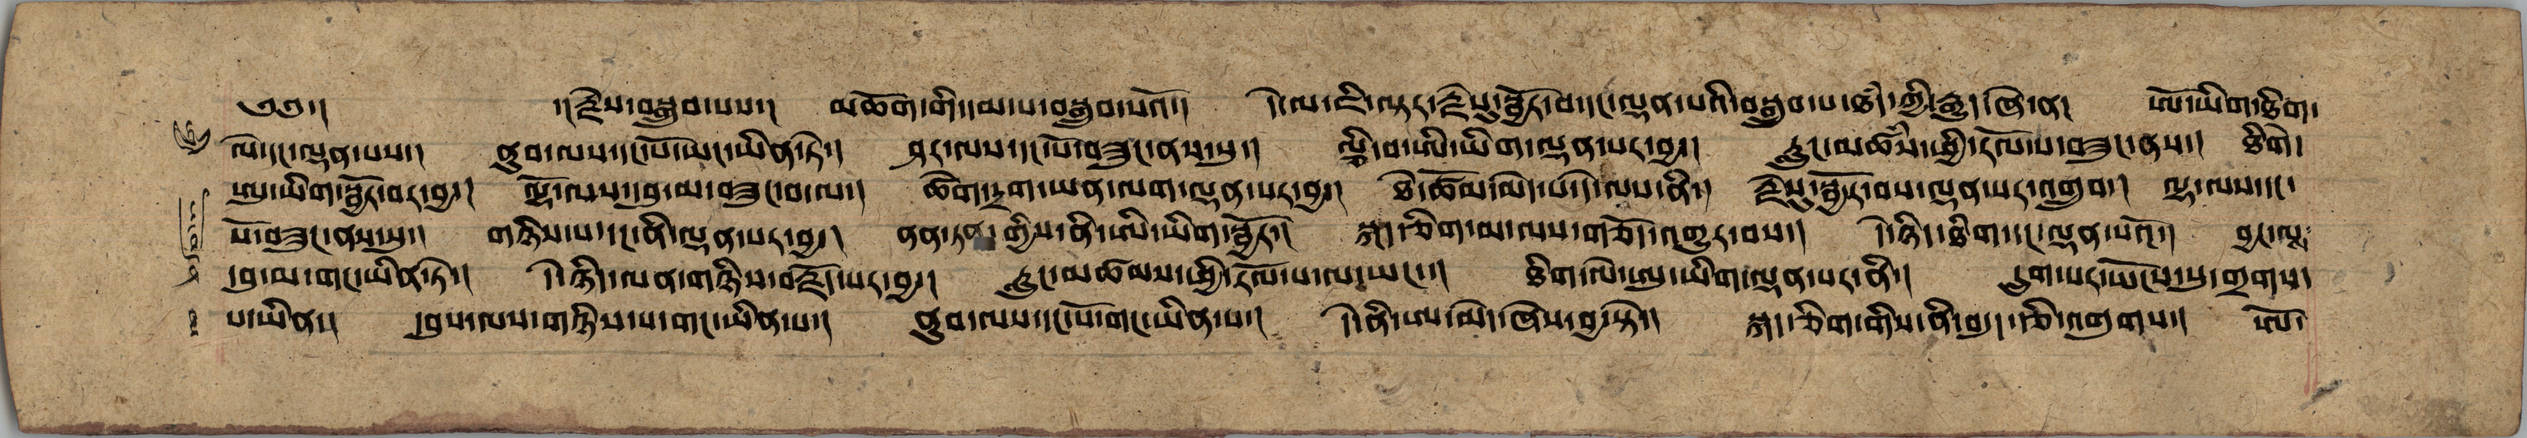༄༅་། ་།རྗེས་བསྒྲུབ་པས་། མཆོག་གི་དམ་པ་བསྒྲུབ་པའོ་། དེ་ལ་ཇི་ལྟར་རྗེསུ་སྦྱོར་བ་དང་ལྡན་པའི་བསྒྲུབ་པ་ཐདཾ་ཀྱི་རྒྱུད་ཞེ་ན་། ཨོ་ཡིག་ཐིག་
ལེ་དང་ལྡན་པས་། ནུབ་ལས་དང་པོ་ཡང་ཡིན་ཏེ་། ཤར་ལས་དང་པོ་བཟུང་ནས་སུ་། ལྕི་བ་ཨི་ཡིག་ལྡན་པར་བྱ་། རླུང་མཚཾས་ཕྱི་རོལ་པ་བཟུང་ནས་། ཐིེག་
ཨུ་ཡིག་སྦྱོར་བར་བྱ་། ལྷོ་ལས་དབུ་མ་བཟུང་བ་ལ་། ཚེག་དྲག་ཡན་ལག་ལྡན་པར་བྱ་། ཐེ་ཚོམ་མེད་པ་དེ་ལས་ནི་། རྗེསུ་སྦྱོར་བས་ལྡན་པར་འགྲུབ་། ལྷ་ལས་དང་
པོ་བཟུང་ནས་སུ་། གཉིས་པ་དང་ནི་ལྡན་པར་བྱ་། ནན་ཏན་གྱིས་ནི་ཨི་ཡིག་སྦྱོར་། སྐད་ཅིག་མ་ལས་གཅོད་འགྱུར་བས་། དེ་ཉིད་ཐིག་དང་ལྡན་པའོ་། བྱང་ལས་
དབུ་མ་གང་ཡིན་ཏེ་། དེ་ཉིད་ལན་གཉིས་བརྗོད་པར་བྱ་། རླུང་མཚམས་ཕྱི་རོལ་པ་ལ་ཡང་་། ཐིག་ལེ་ཨུ་ཡིག་ལྡན་པར་ནི་། དྲུག་པར་ཡོངས་སུ་གྲགས་
པ་ཡིན་། དབུས་ལས་གཉིས་པ་གང་ཡིན་པ་། ནུབ་ལས་དང་པོ་གང་ཡིན་པ་། དེ་ནི་ཨ་མེད་ཞེས་བྱ་སྟེ་། སྐད་ཅིག་གིས་ནི་བདུད་རྩི་འགུགས་། ཨོ་